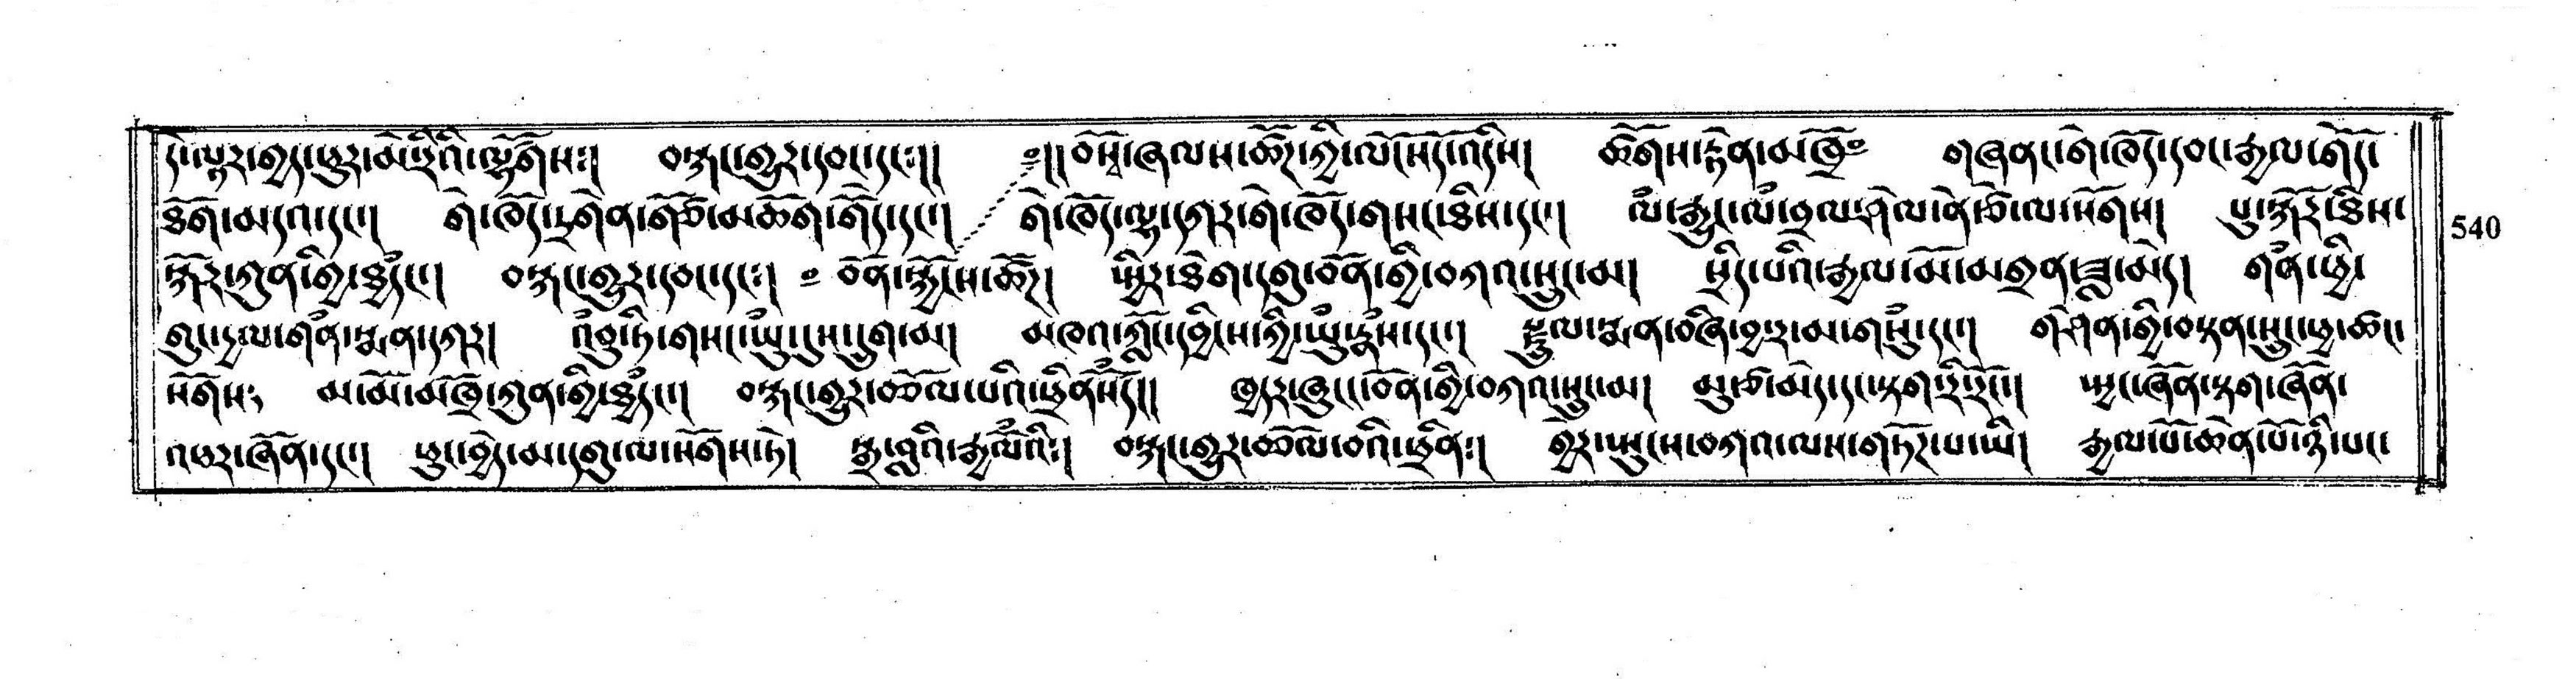དེ་ལྟར་གྱད་ཕུར་མེ་རིའི་ལྷ་ཚོགས༴། བསྐང་གྱུར་དབང་དང་༴།། གཞན་ཡང་གེ་ཁོད་དབང་རྒྱལ་གེ་ཁོད་
ཐོག་མདའ་དང་། གེ་ཁོད་དྲག་ཆེན་གཙོ་མཆོག་གེ་ཁོད་དང་། གེ་ཁོད་ལྷ་དཀར་གེ་ཁོད་གསང་ཐིས་དང་། ལམ་རྒྱུང་ལམ་བྲལ་ཤེལ་ནེ་ཙེ་ལ་སོགས། པུ་སྐོར་ཐིས་
སྐོར་ཀུན་གྱི་ཐུགས་དམ་བསྐང་། བསྐང་གྱུར་དབང་དང་༴། །།བསྭོ་ཞལ་ཟས་ཚོགས་ཀྱི་ལོངས་སྤྱོད་འདིས། ཚོགས་རྟེན་མཁའ་འགྲོ་བོན་སྐྱོངས་ཚོགས། སྤྱིར་ཐེག་དགུ་བོན་གྱི་བཀའ་སྲུང་མ། སྲིད་པའི་རྒྱལ་མོ་མགྲན་ཟླ་མེད། གནམ་ཕྱི་
གུང་རྒྱལ་གནམ་སྨན་དཀར། འབུམ་ཏི་གསང་ཡུམ་དུས་དྲུག་མ། མཁའ་ཀློང་དབྱིངས་ཀྱི་ཡུམ་རྣམས་དང་། རྫུ་འཕྲུལ་སྨན་བཞི་བྱ་ར་མ་གསུམ་དང་། གཤེན་གྱི་བསྟན་སྲུང་ཕྱ་ཚང་
སོགས། མ་མོ་མཁའ་འགྲོ་ཀུན་གྱི་ཐུགས་དམ་བསྐང་། བསྐང་གྱུར་བཅོལ་པའི་ཕྲིན་ལས་མཛོད།། ཁྱད་པར་ཞང་ཞུང་བོན་གྱི་བཀའ་སྲུང་མ། མུ་ཙ་མེད་དང་སྟག་རི་རོང་། སྤྱང་ཞོན་སྟག་ཞོན་
འཕར་ཞོན་དང་། ཕུང་བྱེད་མ་དགུ་ལ་སོགས་ཏེ། སྒྲ་བླའི་རྒྱལ་མོའི༴། བསྐང་གྱུར་བཅོལ་བའི་ཕྲིན༴། གྱེར་སྤུངས་བཀའ་ལས་གཏོགས་པ་ཡི། རྒྱལ་པོ་ཆེན་པོ་ཉི་པང་